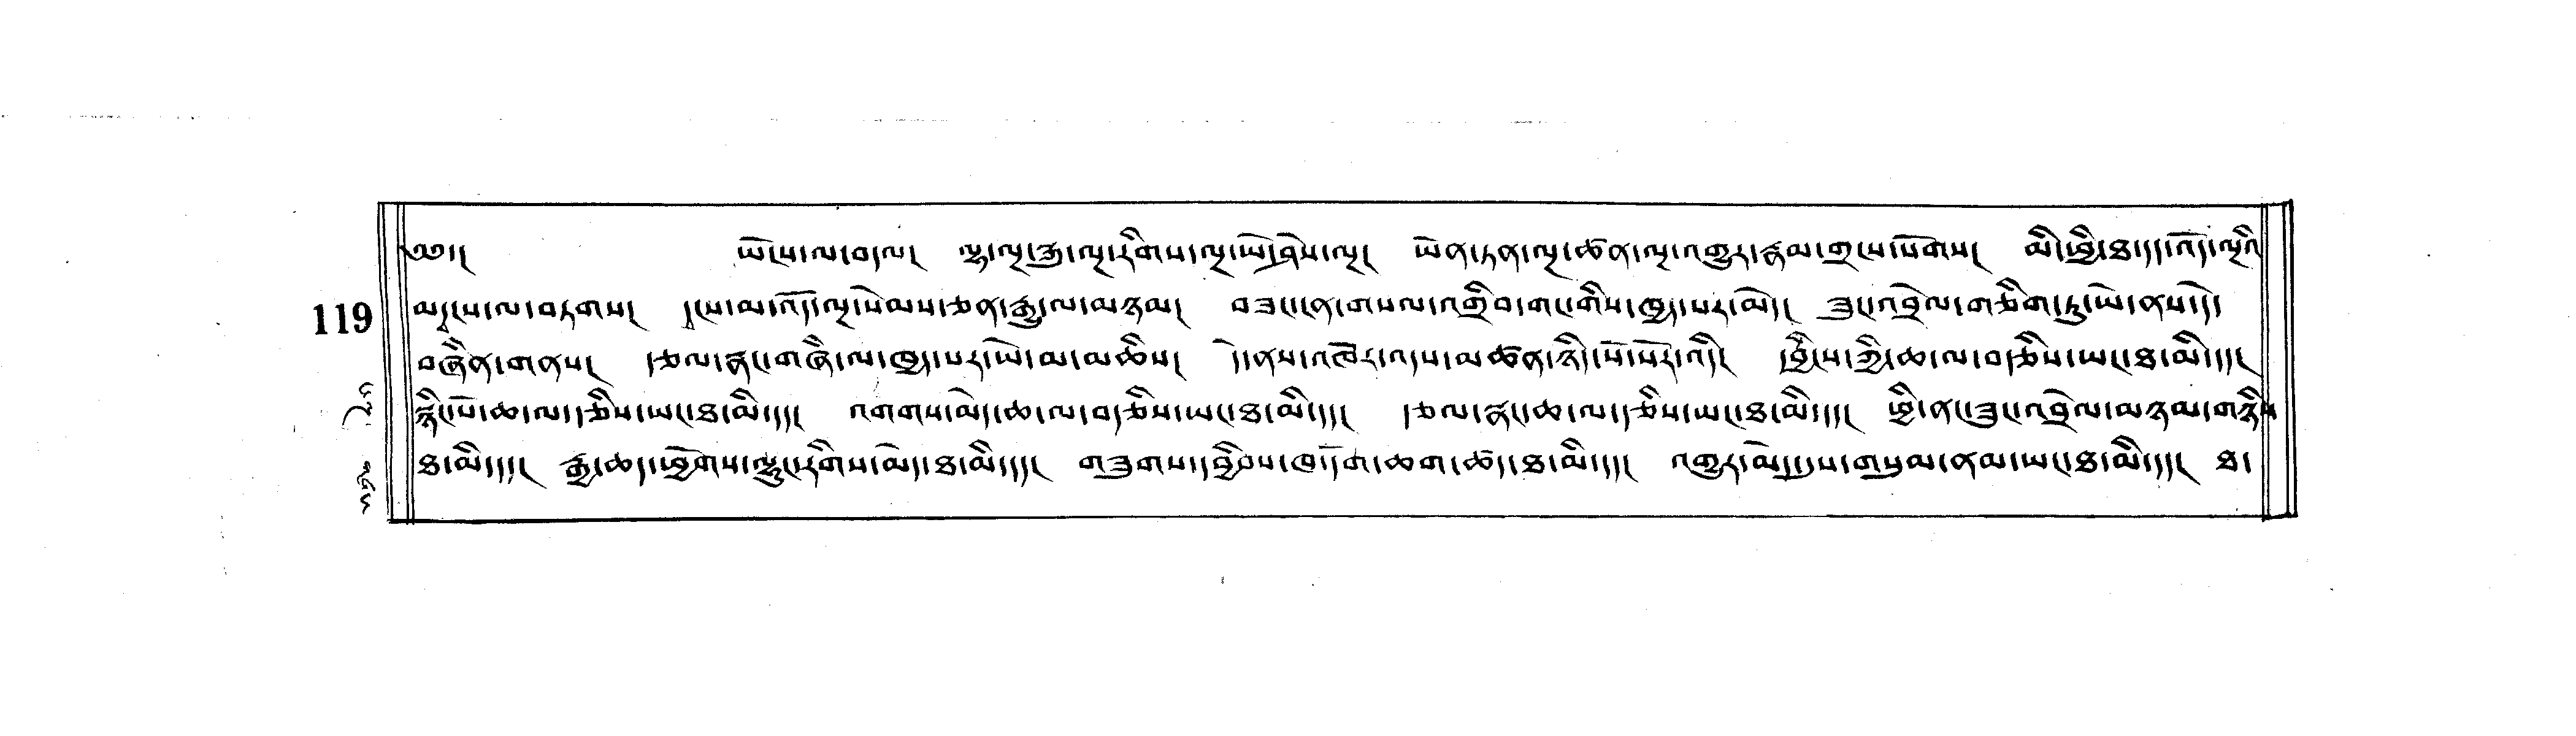ཡོངས་ལ་བདལ། ལྷ་ལྔ་སྐུ་ལྔ་རིགས་ལྔ་ཡེ་ཤེས་ལྔ། ཡོན་ཏན་ལྔ་ཚན་ལྔ་འགྱུར་རྣམ་གྲངས་སོགས། མི་ཕྱི་ཐ་དད་འོད་ལྔའི་
མདངས་ལ་བཏགས། དྭངས་མ་འོད་ལྔ་སེམས་ཅན་རྒྱུ་ལ་མཉམ། བཟང་ངན་གསལ་འགྲིབ་གང་གིས་ཁྱད་པར་མེད། ཟུང་འབྲེལ་གཅིག་ཏུ་ཡེ་ནས་དེ་
བཞིན་གནས། རྩལ་སྣང་གཞི་ལ་ཁྱད་པར་ཡེ་མ་མཆིས། དེ་ནས་འཁོར་འདས་མཚན་ཉིད་སོ་སོ་འདི། དབྱིངས་ཀྱི་ཆ་ལ་བརྩིས་ཡང་ཐ་མི་དད། 
སྙིང་པོ་ཆ་ལ་བརྩིས་ཡང་ཐ་མི་དད། འགག་མེད་ཆ་ལ་བརྩིས་ཡང་ཐ་མི་དད། རྩལ་སྣང་ཆ་ལ་བརྩིས་ཡང་ཐ་མི་དད། ཕྱི་ནང་ཟུང་འབྲེལ་མཉམ་གཉིས་
ཐ་མི་དད། རྒྱ་ཆད་ཕྱོགས་ལྷུང་རིགས་མེད་ཐ་མི་དད། གཟུགས་དབྱིབས་ཁ་དོག་ཆག་ཚད་ཐ་མི་དད། འགྱུར་མེད་དུས་གསུམ་ནམ་ཡང་ཐ་མི་དད། ཐ་